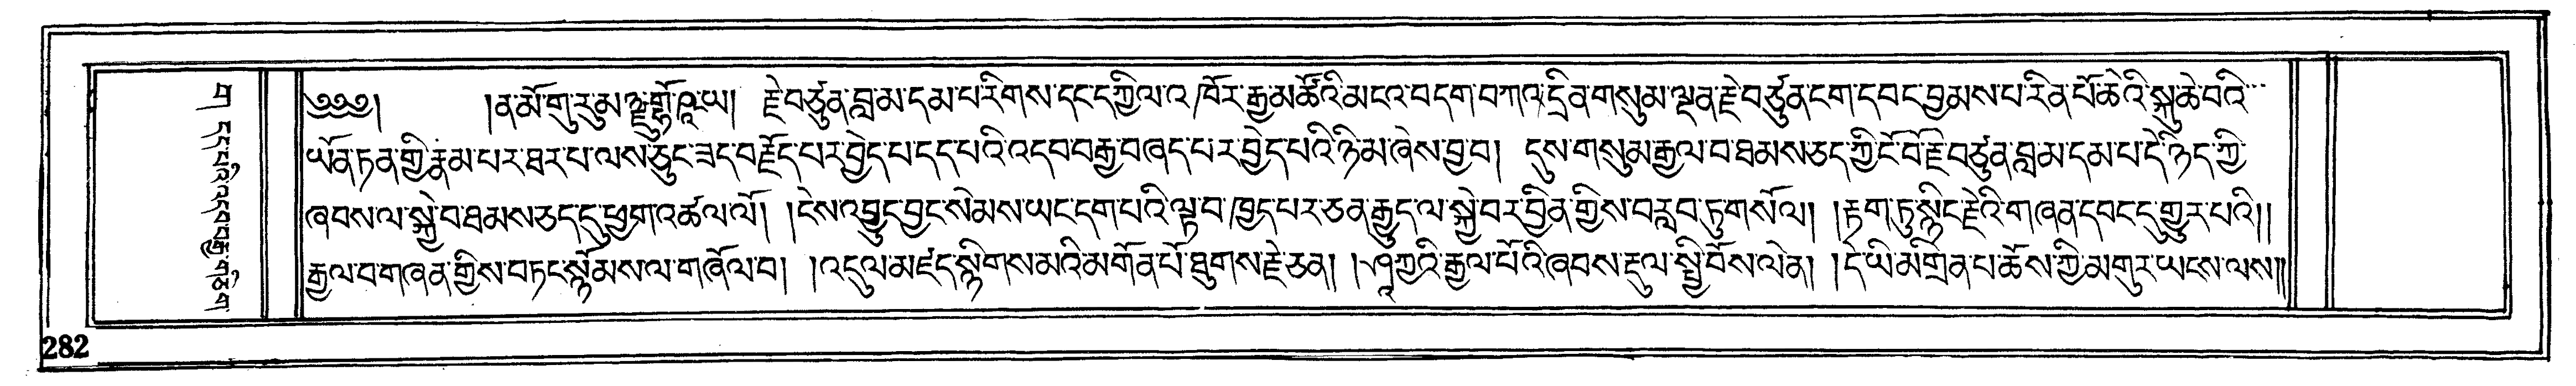༄༅༅། །ན་མོ་གུ་རུ་མཉྫུ་གྷོ་ཥཱ་ཡ། རྗེ་བཙུན་བླ་མ་དམ་པ་རིགས་དང་དཀྱིལ་འཁོར་རྒྱ་མཚོའི་མངའ་བདག་བཀའ་དྲིན་གསུམ་ལྡན་རྗེ་བཙུན་ངག་དབང་བྱམས་པ་རིན་པོ་ཆེའི་སྐུ་ཆེ་བའི་
ཡོན་ཏན་གྱི་རྣམ་པར་ཐར་པ་ལས་ཅུང་ཟད་བརྗོད་པར་བྱེད་པ་དད་པའི་འདབ་བརྒྱ་བཞད་པར་བྱེད་པའི་ཉི་མ་ཞེས་བྱ་བ། དུས་གསུམ་རྒྱལ་བ་ཐམས་ཅད་ཀྱི་ངོ་བོ་རྗེ་བཙུན་བླ་མ་དམ་པ་དེ་ཉིད་ཀྱི་
ཞབས་ལ་སྐྱེ་བ་ཐམས་ཅད་དུ་ཕྱག་འཚལ་ལོ། །ངེས་འབྱུང་བྱང་སེམས་ཡང་དག་པའི་ལྟ་བ་ཁྱད་པར་ཅན་རྒྱུད་ལ་སྐྱེ་བར་བྱིན་གྱིས་བརླབ་ཏུ་གསོལ། །རྟག་ཏུ་སྙིང་རྗེའི་གཞན་དབང་དུ་གྱུར་པའི། །
རྒྱལ་བ་གཞན་གྱིས་བཏང་སྙོམས་ལ་གཞོལ་བ། །འདུལ་མཛད་སྙིགས་མའི་མགོན་པོ་ཐུགས་རྗེ་ཅན། །ཤཱཀྱའི་རྒྱལ་པོའི་ཞབས་རྡུལ་སྦྱི་བོས་ལེན། །དེ་ཡི་མགྲིན་པ་ཆོས་ཀྱི་མགུར་ཡངས་ལས།